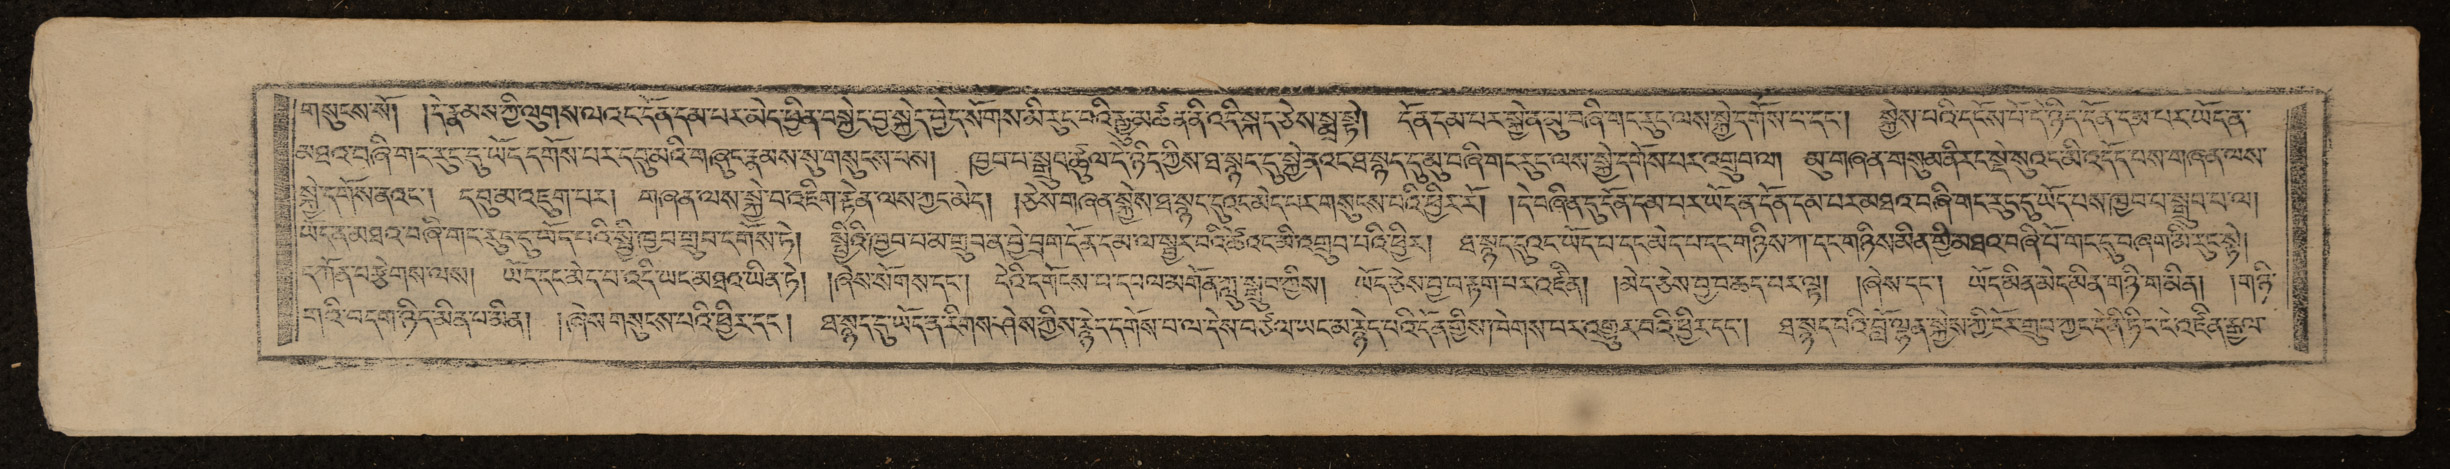གསུངས་སོ། །དེ་རྣམས་ཀྱི་ལུགས་ལའང་དོན་དམ་པར་མེད་ཕྱིན་བསྐྱེད་བྱ་སྐྱེད་བྱེད་སོགས་མི་རུང་བའི་རྒྱུ་མཚན་ནི་འདི་སྐད་ཅེས་སྨྲ་སྟེ། དོན་དམ་པར་སྐྱེན་མུ་བ་ཞི་གང་རུང་ལས་སྐྱེ་དགོས་པ་དང་། སྐྱེས་པའི་དངོས་པོ་དེ་ཉིད་དོན་དམ་པར་ཡོད་ན་
མཐའ་བཞི་གང་རུང་དུ་ཡོད་དགོས་པར་དབུ་མའི་གཞུང་རྣམས་སུ་གསུངས་པས། ཁྱབ་པ་སྒྲུབ་ཚུལ་དེ་ཉིད་ཀྱིས་ཐ་སྙད་དུ་སྐྱེ་ནའང་ཐ་སྙད་དུ་མུ་བཞི་གང་རུང་ལས་སྐྱེ་དགོས་པར་འགྲུབ་ལ། མུ་གཞན་གསུམ་ནི་རང་སྡེ་སུའང་མི་འདོད་པས་གཞན་ལས་
སྐྱེ་དགོས་ནའང་། དབུ་མ་འཇུག་པར། གཞན་ལས་སྐྱེ་བ་འཇིག་རྟེན་ལས་ཀྱང་མེད། །ཅེས་གཞན་སྐྱེས་ཐ་སྙད་དུའང་མེད་པར་གསུངས་པའི་ཕྱིར་རོ། །དེ་བཞིན་དུ་དོན་དམ་པར་ཡོད་ན་དོན་དམ་པར་མཐའ་བཞི་གང་རུང་དུ་ཡོད་པས་ཁྱབ་པ་སྒྲུབ་པ་ལ།
ཡོད་ན་མཐའ་བཞི་གང་རུང་དུ་ཡོད་པའི་སྤྱི་ཁྱབ་གྲུབ་དགོས་ཏེ། སྤྱིའི་ཁྱབ་པ་མ་གྲུབ་ན་བྱེ་བྲག་དོན་དམ་ལ་སྦྱར་བའི་ཚེའང་མི་འགྲུབ་པའི་ཕྱིར། ཐ་སྙད་དུའང་ཡོད་པ་དང་མེད་པ་དང་གཉིས་ཀ་དང་གཉིས་མིན་གྱི་མཐའ་བཞི་པོ་གང་དུ་བཞག་མི་རུང་སྟེ།
དཀོན་བརྩེགས་ལས། ཡོད་དང་མེད་པ་འདི་ཡང་མཐའ་ཡིན་ཏེ། །ཞེས་སོགས་དང་། དེའི་དགོངས་པ་དཔལ་མགོན་ཀླུ་སྒྲུབ་ཀྱིས། ཡོད་ཅེས་བྱ་བ་རྟག་པར་འཛིན། །མེད་ཅེས་བྱ་བ་ཆད་པར་ལྟ། །ཞེས་དང་། ཡོད་མིན་མེད་མིན་གཉི་ག་མིན། །གཉི་
གའི་བདག་ཉིད་མིན་པ་མིན། །ཞེས་གསུངས་པའི་ཕྱིར་དང་། ཐ་སྙད་དུ་ཡོད་ན་རིགས་ཤེས་ཀྱིས་རྙེད་དགོས་པ་ལ་དེས་བཙལ་ཡང་མ་རྙེད་པའི་དོན་གྱིས་ལེགས་པར་འགྱུར་བའི་ཕྱིར་དང་། ཐ་སྙད་པའི་བློ་ལྷན་སྐྱེས་ཀྱི་ངོར་གྲུབ་ཀྱང་དེ་ནི་ཏིང་ངེ་འཛིན་རྒྱལ་